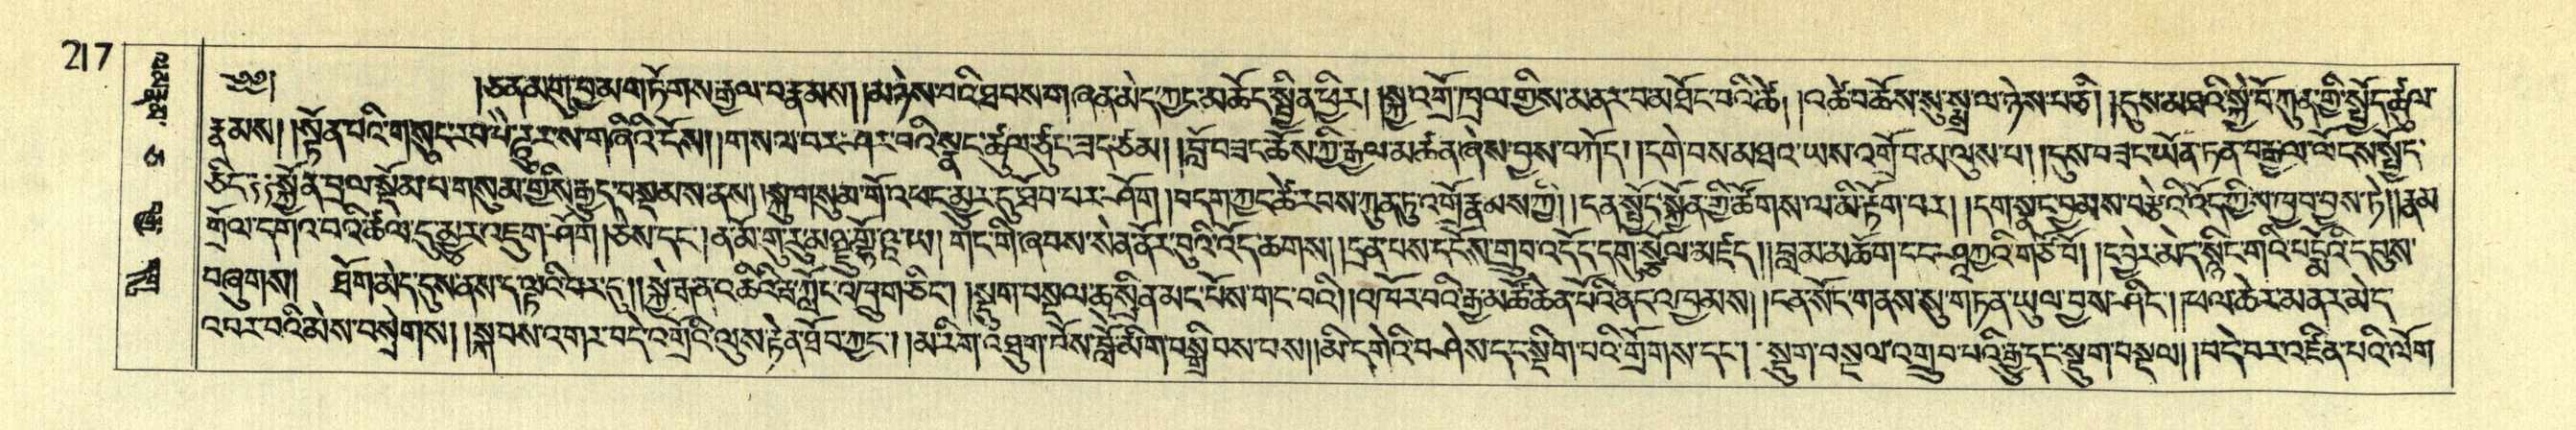༄༅། །ཅན་མགུ་བྱ་མ་གཏོགས་རྒྱལ་བ་རྣམས། །མཉེས་པའི་ཐབས་གཞན་མེད་ཀྱང་མཆོད་སྦྱིན་ཕྱིར། །སྐྱ་འགྲོ་ཁྲལ་གྱིས་མནར་བ་མཐོང་བའི་ཚེ། །འཚེ་བ་ཆོས་སུ་སྨྲ་ལ་ཉེས་པ་ཅི། །དུས་མཐའི་སྐྱེ་བོ་ཀུན་གྱི་སྤྱོད་ཚུལ་
རྣམས། །སྟོན་པའི་གསུང་རབ་པཻ་ཌཱུར་ས་གཞིའི་ངོས། །གསལ་བར་ཤར་བའི་སྣང་ཚུལ་ཙུང་ཟད་ཙམ། །བློ་བཟང་ཆོས་ཀྱི་རྒྱལ་མཚན་ཞེས་བྱས་བཀོད། །དགེ་བས་མཐའ་ཡས་འགྲོ་བ་མ་ལུས་པ། །དུས་བཟང་ཡོན་ཏན་བརྒྱ་ལ་ལོངས་སྤྱོད་
ཅིང༑ ༑སྐྱོན་བྲལ་སྡོམ་པ་གསུམ་གྱིས་རྒྱུད་བསྡམས་ནས། །སྐུ་གསུམ་གོ་འཕང་མྱུར་དུ་ཐོབ་པར་ཤོག །བདག་ཀྱང་ཚེ་རབས་ཀུན་ཏུ་འགྲོ་རྣམས་ཀྱི། །ངན་སྤྱོད་སྐྱོན་གྱི་ཚོགས་ལ་མི་རྟོག་པར། །དག་སྣང་བྱམས་བརྩེའི་འོད་ཀྱིས་ཁྱབ་བྱས་ཏེ། །རྣམ་
གྲོལ་དགའ་བའི་ཚལ་དུ་མྱུར་འཇུག་ཤོག །ཅེས་དང་། ན་མོ་གུ་རུ་མཉྫུ་གྷོ་ཥཱ་ཡ། གང་གི་ཞབས་སེན་ནོར་བུའི་འོད་ཆགས། །དྲན་པས་དངོས་གྲུབ་འདོད་དགུ་སྩོལ་མཛད། །བླ་མ་མཆོག་དང་ཤཱཀྱའི་གཙོ་བོ། །དབྱེར་མེད་སྙིང་གའི་པདམོའི་དབུས་
བཞུགས། ཐོག་མེད་དུས་ནས་ད་ལྟའི་བར་དུ། །སྐྱེ་རྒ་ན་འཆིའི་རྦ་ཀློང་འཁྲུག་ཅིང་། །སྡུག་བསྔལ་ཆུ་སྲིན་མང་པོས་གང་བའི། །འཁོར་བའི་རྒྱ་མཚོ་ཆེན་པོའི་ནང་འཁྱམས། །ངན་སོང་གནས་སུ་གཏན་ཡུལ་བྱས་ཤིང་། །ཕལ་ཆེར་མནར་མེད་
འབར་བའི་མེས་བསྲེགས། །སྐབས་འགར་བདེ་འགྲོའི་ལུས་རྟེན་ཐོབ་ཀྱང་། །མ་རིག་འཐུག་བོས་བློ་མིག་བསྒྲིབས་པས། །མི་དགེའི་བཤེས་དང་སྡིག་པའི་གྲོགས་དང་། སྡུག་བསྔལ་འགྲུབ་པའི་རྒྱུ་དང་སྡུག་བསྔལ། །བདེ་བར་འཛིན་པའི་ལོག་